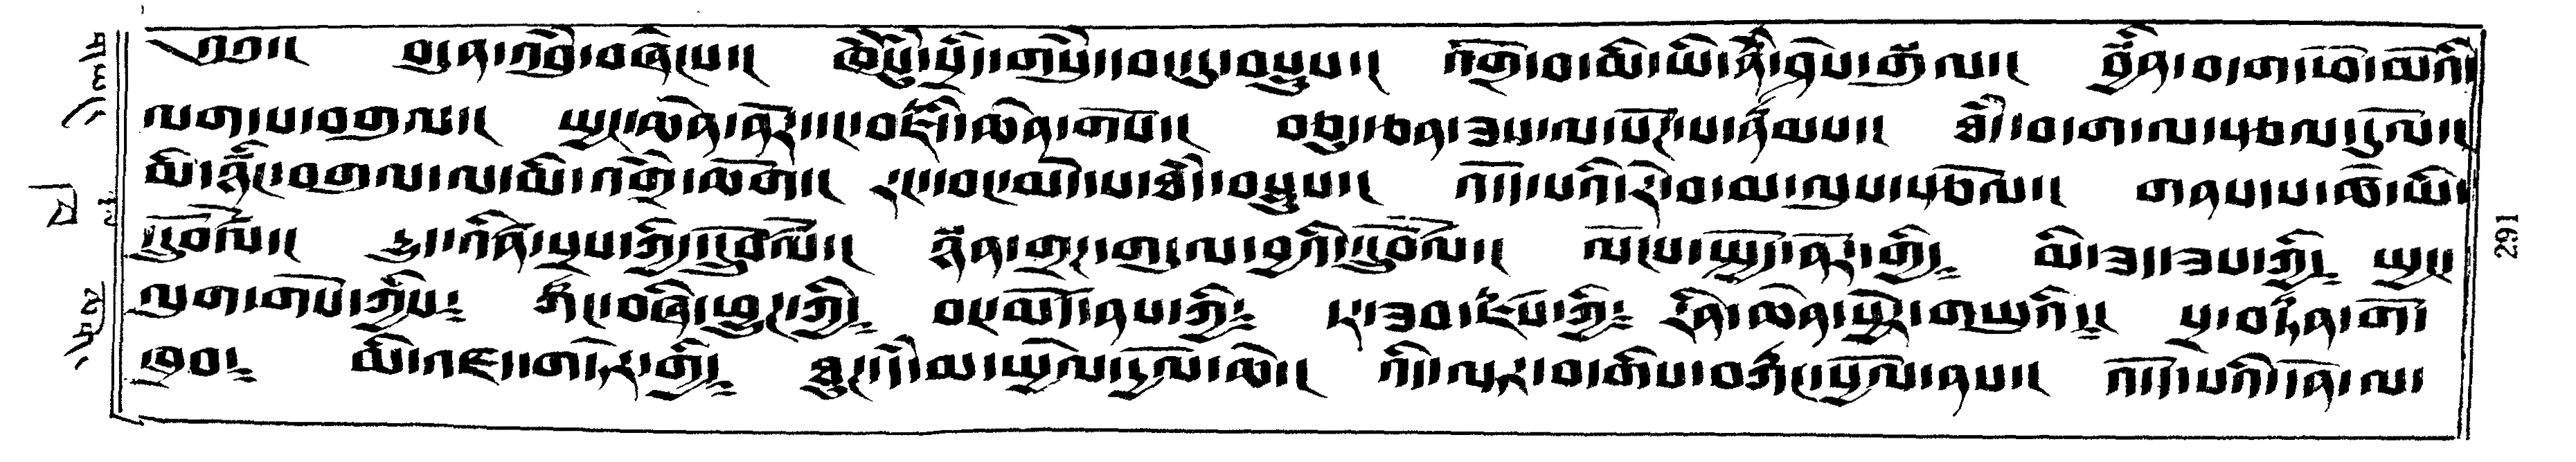བདུན་འབུམ་བཞེངས། །ཁམས་གསུམ་སྲིད་གསུམ་དབང་དུ་སྡུས། །འགྲོ་བ་མི་ཡི་རྣམ་ཤེས་སྒུལ། །སྦྱིན་བདག་ཕོ་མོའི་
ལག་པ་སྒུལ། །གཡང་ཆེན་ནོར་དང་བརྫེད་ཆེན་གོས། །བཅུད་ཅན་ཟས་ལ་སོགས་པ་རྣམས། །ཐམས་ཅད་བདག་ལ་སྩལ་དུ་གསོལ། །
མི་སྙིང་སྒུལ་ལ་མི་འགྲམ་ཆོག །རང་དབང་མེད་པར་ཐམས་ཅད་བསྡུས། །འདོད་པའི་རེ་བ་མ་ལུས་སྩོལ། །གནས་པ་ཚེ་ཡི་
དངོས་གྲུབ་སྩོལ། །རྒྱུད་འཛིན་སྲས་ཀྱི་དངོས་གྲུབ་སྩོལ། །སྙན་གྲགས་གདུལ་བྱའི་དངོས་གྲུབ་སྩོལ། །ལོངས་སྤྱོད་ནོར་གྱི༴ མི་ཟད་ཟས་ཀྱི༴ གཡང་
ལུགས་གོས་ཀྱིས༴ རྐང་བཞི་ཕྱུགས་ཀྱི༴ བང་མཛོད་ནས་ཀྱི༴ དར་ཟབ་རྫས་ཀྱི༴ རིནཆེན་གསེར་གཡུའི༴ སྲ་བརྟན་གོ་
ཁྲབ༴ མི་འཛད་གཏེར་གྱི༴ ཐུགས་དམ་མ་གཡེལ་རྒྱལ་པོ་ཆེ། །འདི་ལྟར་བདག་གིས་བསྐང་གསོལ་ནས། །འདོད་པའི་དོན་ལ་